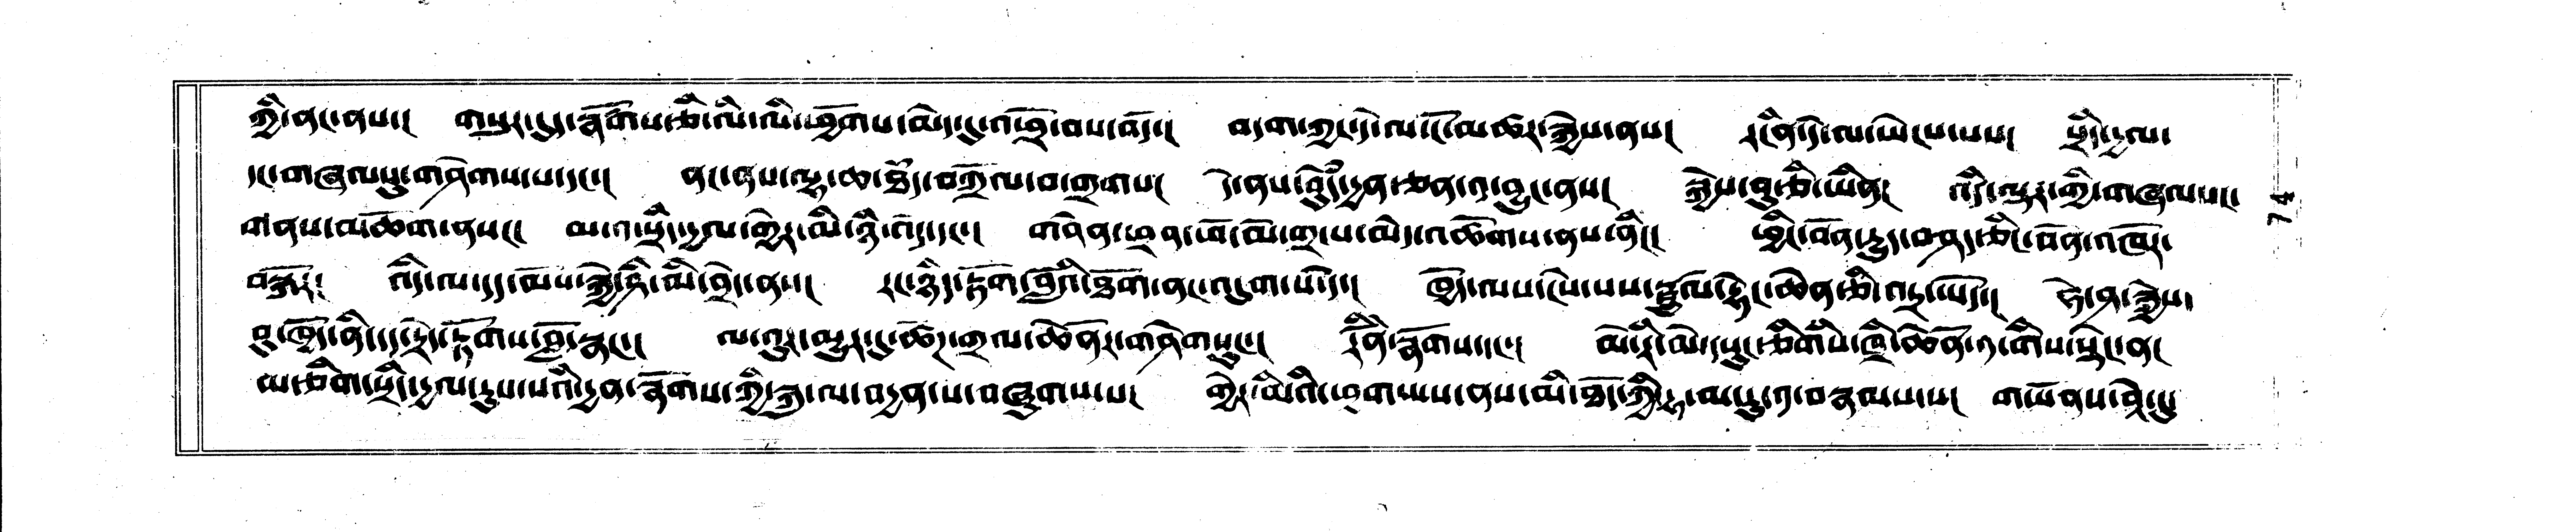ཀྱི་ནང་ནས། གསུར་དུད་སྣ་ཚོགས་ཅི་ལི་ལི་ཕྱོགས་མེད་དུ་འཕྲོ་བས་བདོ། བདག་ཀྱང་དེ་ལ་ངོ་མཚར་སྐྱེས་ནས། རང་བཞིན་དེ་ལ་ཡེངས་པས། སྲིད་རྒྱལ་
དང་གཞལ་ཡས་སུ་གཤེགས་པ་དང་། ནང་ནས་ལྷ་ཆ་ཐམས་ཅད་བཀྲོལ་བ་གྲགས། དེ་ནས་བུད་མེད་རྒྱན་ཅན་གཅིག་བྱུང་ནས། སྐྱེས་བུ་ཅི་ཡིན། འདི་ལྟར་གྱི་གཞལ་ཡས་
གནས་མཆོག་ནས།། མ་འ་སྲིད་རྒྱལ་གྱེར་མི་ཉི་འོད་དང་། གཤེན་ཕྲན་ཕོ་མོ་གྲངས་མེད་འཚོགས་ནས་ནི། ཕྱི་ནང་བོན་རྒྱུད་བཤད་ཅིང་བོན་འཁོར་
བསྐོར། འདི་ལ་དད་མོས་སྐྱེ་ཤི་མི་བྲེད་ནས། རང་ཉིད་རྟོག་བློའི་ཐོག་ནང་འདུག་པ་དེ། ཁྱོད་ལ་ངེས་པས་རྫུ་འཕྲུལ་གདེང་ཆེན་ཅི་འདྲ་ཡོད། ཧེ་ཤ་སྐྱེས་
བུ་ཁྱོད་ནི་དད་དྲེད་རྟོགས་བློ་སྣང་། ལ་འུར་མྱུར་དུ་ཚོགས་གྲལ་ཆེན་པོར་གཤེགས་གསུངས། རིན་པོ་ཆེ་སྣ་ཚོགས་དང་། མེ་རི་མེ་དཔུང་ཅིག་གིས་ཁྲི་ཆེན་པོ་གཅིག་གིས་སྟེང་ན། 
མ་ཅིག་སྲིད་རྒྱལ་རུས་པའི་རྒྱན་སྣ་ཚོགས་ཀྱིས་སྐུ་ལ་བརྒྱན་པ་བཞུགས་པ། གྱེར་མིའི་ཕྱག་གཡས་ནས་མི་ཐོད་ཀྱི་དྷ་མ་རུ་གཅིག་བསྣམས་པ། གཡོན་ནས་བཱཻཌྲཱུརྱའི་